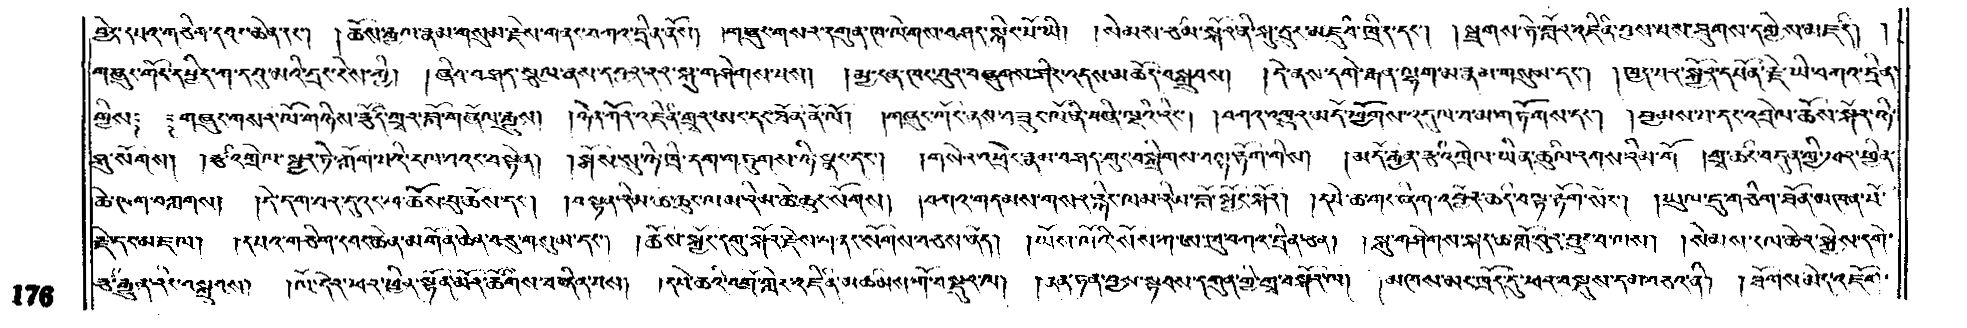བྱེད་དཔའ་གཅིག་དབང་ཆེན་དང་། །ཆོས་རྒྱལ་རྣམ་གསུམ་རྗེས་གནང་བཀའ་དྲིན་ནོས། །གཞུང་གསར་དགུན་ཁ་ལེགས་བཤད་སྙིང་པོ་ཡི། །སེམས་ཙམ་སྐོར་ནི་སྐུ་དྲུང་མཛུབ་ཁྲིད་དང་། །སྦྲགས་ཏེ་བློར་འཛིན་བྱས་པས་ཐུགས་དགྱེས་མཛད། །
གཞུང་གོང་དཔྱིད་ཀ་དབུ་མའི་དྲང་ངེས་ཀྱི། །ཞིབ་བཤད་སྩལ་ནས་དབྱར་རར་སྐུ་གཤེགས་པས། །མྱ་ངན་ཁང་བུར་བཞུགས་ཤིང་འདས་མཆོད་བསྒྲུབས། །དེ་ནས་དགེ་རྒན་ལྷག་མ་རྣམས་གསུམ་དང་། །ཁྱད་པར་སྐྱོར་དཔོན་རྗེ་ཡི་བཀའ་དྲིན་
གྱིས༑ ༑གཞུང་གསར་ལོ་གཉིས་རྩོད་གྲྭར་བློ་གཞོལ་རྒྱུས། །ཉེན་ཀོར་འཛིན་གྲྭར་ཨང་དང་ཐོན་ནོ་ལོ། །གཞུང་གོང་ནས་བཟུང་ལོ་ནི་བཞི་ལྔའི་རིང་། །བཀའ་འགྱུར་མདོ་ཕྱོགས་འདུལ་བ་མ་གཏོགས་དང་། །བྱམས་པ་དང་འབྲེལ་ཆོས་སྐོར་ཉི་
ཤུ་སོགས། །རྩ་འགྲེལ་སྦྱར་ཏེ་ཀློག་པའི་དལ་བའང་བསྟེན། །སྒོས་སུ་ཉི་ཁྲི་དག་གཏུགས་ཉི་སྣང་དང་། །གསེར་འཕྲེང་རྣམ་བཤད་གུང་བསྒྲིགས་བལྟ་རྟོག་གིས། །མདོ་རྒྱན་རྩ་འགྲེལ་ཡིན་ཚུལ་རགས་རིམ་གོ །གྲྭ་ཚང་བདུན་གྱི་ཕར་ཕྱིན་
ཆེ་ཁག་བཀླགས། །དེ་དག་བར་དུའང་ཕ་ཆོས་བུ་ཆོས་དང་། །བསྟན་རིམ་ཆ་ཆུང་ལམ་རིམ་ཆེ་ཆུང་སོགས། །བཀའ་གདམས་གསར་རྙིང་ལམ་རིམ་བློ་སྦྱོང་སྐོར། །དཔེ་ཆ་གང་ཞིག་འབྱོར་ཚད་བལྟ་རྟོག་སོང་། །ཡུལ་དུ་གཅིག་ཐོན་མཁན་པོ་
རྗེ་དང་མཇལ། །དཔའ་གཅིག་དབང་ཆེན་མགོན་ཆེན་བཅུ་གསུམ་དང་། །ཆོས་སྐྱོང་དགུ་སྐོར་རྗེས་གནང་སོགས་བཅས་ནོད། །ཡོས་ལོའི་སོས་ཀ་ཨ་ཁུ་བཀའ་དྲིན་ཅན། །སྐུ་གཤེགས་སྐད་ཆ་གློ་བུར་བྱུང་བ་ལས། །སེམས་ངལ་ཆེར་སྐྱེས་དགེ་
རྩ་རྒྱུན་རིང་བསྒྲུབས། །ལོ་དེར་ཕར་ཕྱིན་སྟོན་མོར་ཚོགས་བཞིན་པས། །དཔེ་ཆའི་འགྲོ་གླེང་འཛིན་མཚམས་གོ་བསྡུར་ལ། །ནན་ཏན་བྱས་སྟབས་དགུན་གྱི་གྲྭ་བསྐོར་ལ། །མཁས་མང་ཁྲོད་དུ་ཕར་བསྡུས་དམ་བཅའ་ནི། །ཐོགས་མེད་འཇོག་